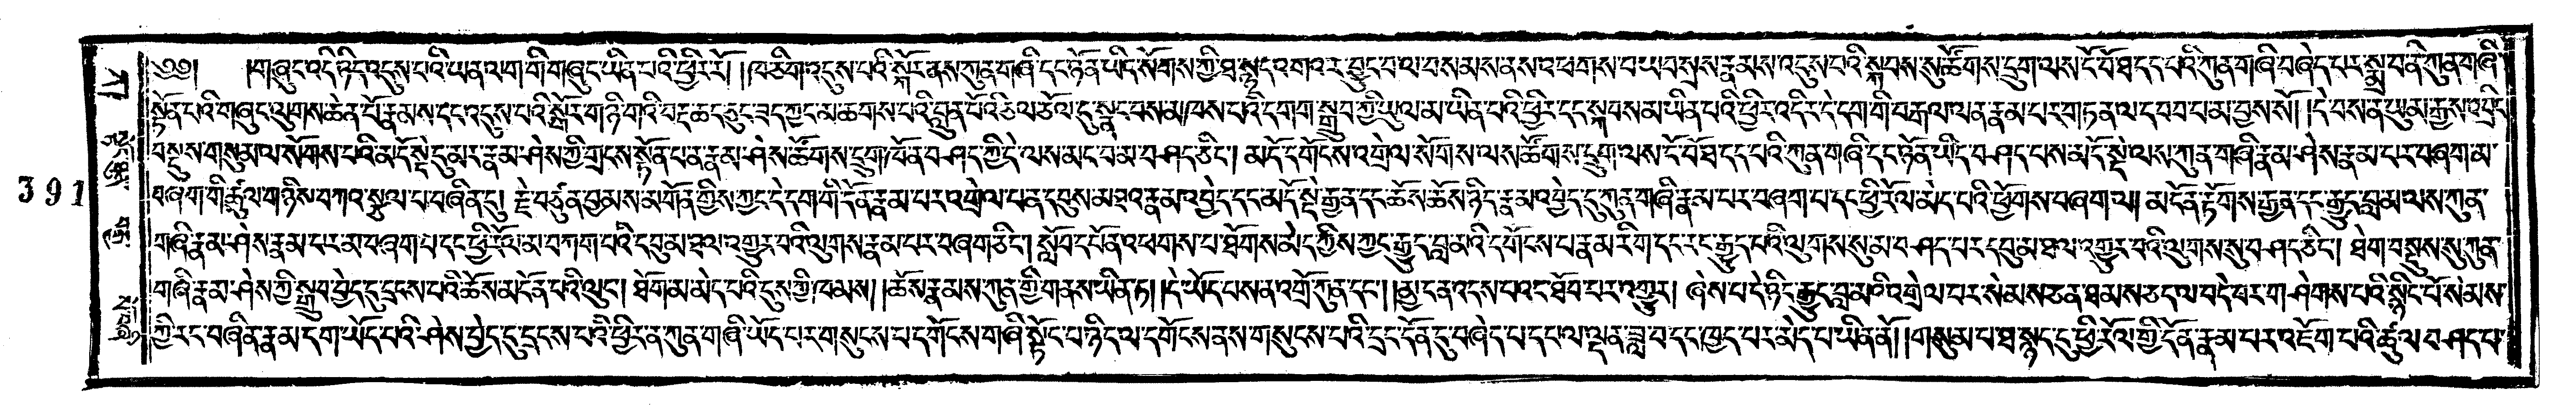༄༅། །གཞུང་འདི་ཉིད་འདུས་པའི་ཡན་ལག་གི་ཞུང་ཡིན་པའི་ཕྱིར་རོ། །ཁ་ཅིག་འདུས་པའི་སྐོར་ནས་ཀུན་གཞི་དང་ཉོན་ཡིད་སོགས་ཀྱི་ཐ་སྙད་འགའ་ར་བྱུང་བ་ལ་བསམས་ནས་འཕགས་བ་ཡབ་སྲས་རྣམས་འདུས་བའི་སྐབས་སུ་ཚོགས་དྲུག་ལས་ངོ་བོ་ཐ་དད་པའི་ཀུན་གཞི་བཞེད་པར་སྨྲ་བ་ནི་ཀུན་གཞི་
སྟོན་པའི་གཞུང་ལུགས་ཆེན་པོ་རྣམས་དང་འདུས་པའི་སྒོར་གཉི་གའི་བརྡ་ཆད་ཅུང་ཟད་ཀྱང་མ་ཆགས་པའི་བླུན་པོའི་ཅལ་ཅོལ་དུ་སྣང་བས་མཁས་པའི་དགག་སྒྲུབ་ཀྱི་ཡུལ་མ་ཡིན་པའི་ཕྱིར་དང་སྐབས་མ་ཡིན་པའི་ཕྱིར་འདིར་དེ་དག་གི་བརྒལ་ལན་རྣམ་པར་གཏན་ལ་དབབ་པ་མ་བྱས་སོ། །དེ་བས་ན་ཡུམ་རྒྱས་འབྲིང་
བསྡུས་གསུམ་ལ་སོགས་པའི་མདོ་སྡེ་དུ་མར་རྣམ་ཤེས་ཀྱི་གྲངས་སྟོན་པ་ན་རྣམ་ཤེས་ཚོགས་དྲུག་ཁོ་ན་བཤད་ཀྱི་དེ་ལས་མང་བ་མ་བཤད་ཅིང་། མདོ་དགོངས་འགྲེལ་སོགས་ལས་ཚོགས་དྲུག་ལས་ངོ་བོ་ཐ་དད་པའི་ཀུན་གཞི་དང་ཉོན་ཡིད་བཤད་པས་མདོ་སྡེ་ལས་ཀུན་གཞི་རྣམ་ཤེས་རྣམ་པར་བཞག་མ་
བཞག་གི་ཚུལ་གཉིས་བཀའ་སྩལ་པ་བཞིན་དུ། རྗེ་བཙུན་བྱམས་མགོན་གྱིས་ཀྱང་དེ་དག་གི་དོན་རྣམ་པར་འགྲེལ་པ་ན་དབུས་མཐའ་རྣམ་འབྱེད་དང་མདོ་སྡེ་རྒྱན་དང་ཆོས་ཆོས་ཉིད་རྣམ་འབྱེད་དུ་ཀུན་གཞི་རྣམ་པར་བཞག་པ་དང་ཕྱི་རོལ་མེད་པའི་ཕྱོགས་བཞག་ལ། མངོན་རྟོགས་རྒྱན་དང་རྒྱུད་བླ་མ་ལས་ཀུན་
གཞི་རྣམ་ཤེས་རྣམ་པར་མ་བཞག་པ་དང་ཕྱི་རོལ་མ་བཀག་པའི་དབུ་མ་ཐལ་འགྱུར་བའི་ལུགས་རྣམ་པར་བཞག་ཅིང་། སློབ་དཔོན་འཕགས་པ་ཐོགས་མེད་ཀྱིས་ཀྱང་རྒྱུད་བླ་མའི་དགོངས་པ་རྣམ་རིག་དང་རང་རྒྱུད་པའི་ལུགས་སུ་མ་བཤད་པར་དབུ་མ་ཐལ་འགྱུར་བའི་ལུགས་སུ་བཤད་ཅིང་། ཐེག་བསྡུས་སུ་ཀུན་
གཞི་རྣམ་ཤེས་ཀྱི་སྒྲུབ་བྱེད་དུ་དྲངས་པའི་ཆོས་མངོན་པའི་ལུང་། ཐོག་མ་མེད་པའི་དུས་ཀྱི་ཁམས། །ཆོས་རྣམས་ཀུན་གྱི་གནས་ཡིན་ཏེ། །དེ་ཡོད་པས་ན་འགྲོ་ཀུན་དང་། །མྱ་ངན་འདས་པའང་ཐོབ་བར་འགྱུར། ཞེས་པ་དེ་ཉིད་རྒྱུད་བླ་མའི་འགྲེལ་བར་སེམས་ཅན་ཐམས་ཅད་ལ་བདེ་བར་གཤེགས་པའི་སྙིང་པོ་སེམས་
ཀྱི་རང་བཞིན་རྣམ་དག་ཡོད་པའི་ཤེས་བྱེད་དུ་དྲངས་པའི་ཕྱིར་ན་ཀུན་གཞི་ཡོད་པར་གསུངས་པ་དགོངས་གཞི་སྟོང་པ་ཉིད་ལ་དགོངས་ནས་གསུངས་པའི་དྲང་དོན་དུ་བཞེད་པ་དཔལ་ལྡན་ཟླ་བ་དང་ཁྱད་པར་མེད་པ་ཡིན་ནོ། །གསུམ་པ་ཐ་སྙད་དུ་ཕྱི་རོལ་གྱི་དོན་རྣམ་པར་འཇོག་པའི་ཚུལ་བཤད་པ་